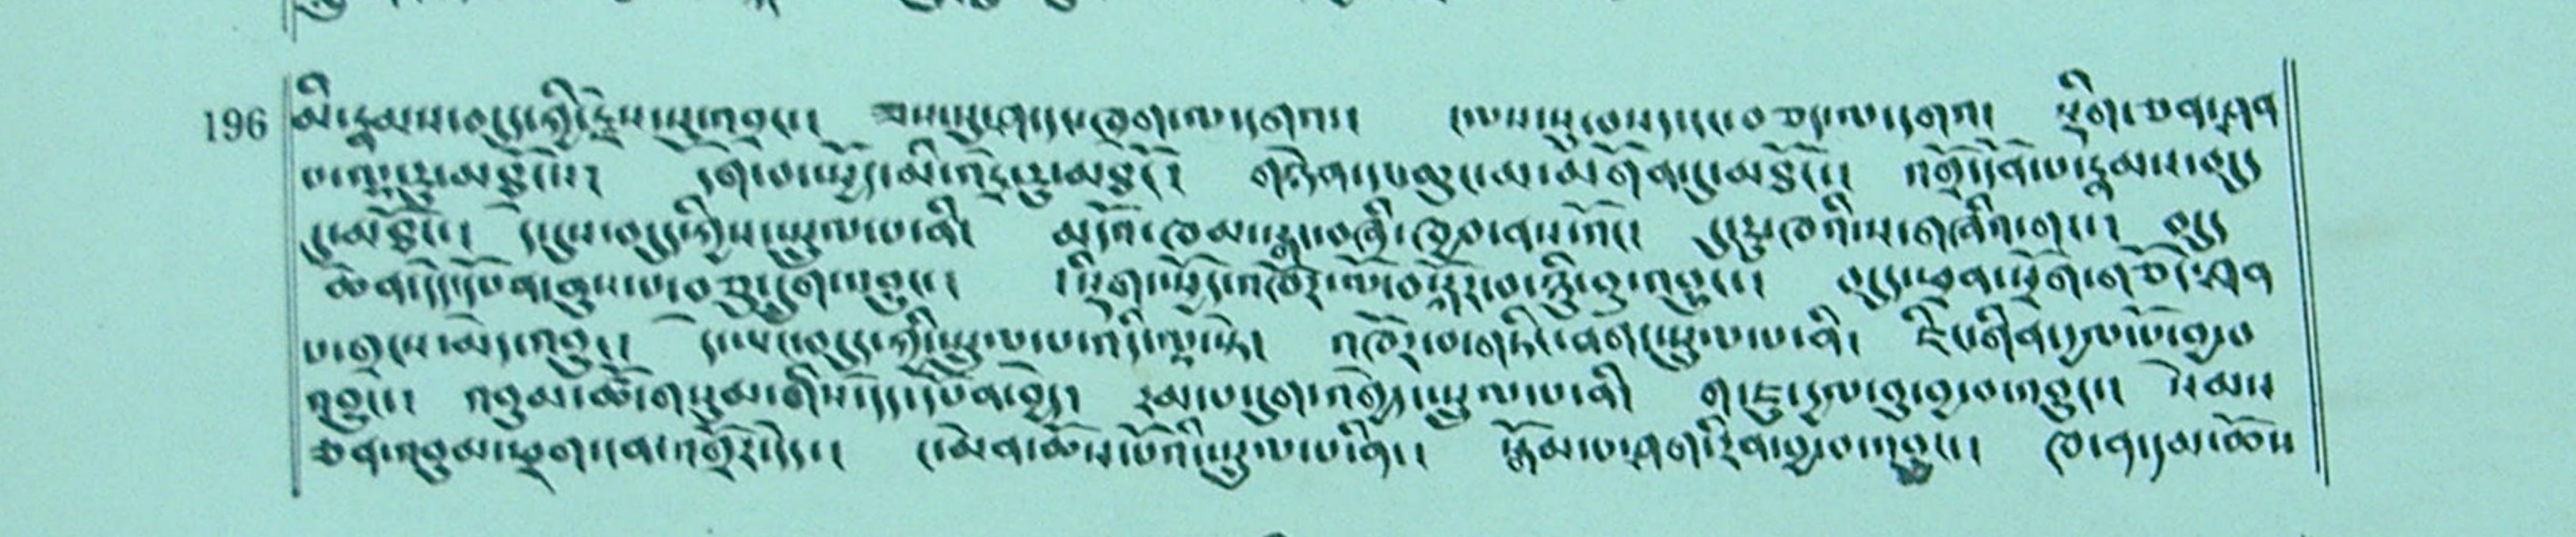མི་རྣམས་བདུད་ཀྱི་རྗེས་སུ་འབྲང་། ཟས་སུ་ཤ་དང་ཁྲག་ལ་དགའ། ལས་སུ་བསད་དང་བཅད་ལ་དགའ། སྡིག་ཅན་ཤན་
པ་ལྷ་རུ་མཐོང་། དགེ་བ་སྤྱོད་མི་འདྲེ་རུ་མཐོང་། གཉེན་དང་ཆུང་མ་མགོན་དུ་མཐོང་། འགྲོ་དོན་པ་རྣམས་བདུད་
དུ་མཐོང་། དེ་དུས་བདུད་ཀྱིས་སྤྲུལ་པ་ནི། མདོ་ཁམས་སྒང་བཞི་ཁྱབ་ནས་འོང་། དུ་རུ་ཁའི་ས་གཞི་གང་། བདུད་
ཆེན་དེད་དཔོན་ནུས་པ་བཅུ་དྲུག་འབྱུང་། སྡིག་སྤྱོད་འཁོར་ལོ་བསྐོར་བ་ཉི་ཤུ་འབྱུང་། བདུད་ཕྲན་སྲོག་གཅོད་ཤན་
པ་གྲངས་མེད་འབྱུང་། དེ་ཡང་བདུད་ཀྱི་སྤྲུལ་པ་འདི་ལྟ་སྟེ། འཁོར་བ་གཏིང་ནག་སྤྲུལ་པ་ནི། ཇིང་གིན་རྒྱལ་བོ་བྱ་བ་
འབྱུང་། འབུམ་ཚོ་གསུམ་གྱི་དེད་དཔོན་མཛད། རམ་པ་དུག་འགྱེད་སྤྲུལ་པ་ནི། ག་ཇུ་རྒྱལ་བུ་བྱ་བ་འབྱུང་། སེམས་
ཅན་འབུམ་ཕྲག་ངན་འགྲོར་དེད། ང་མིན་ཆོས་པོའི་སྤྲུལ་པ་ནི། སྒོམ་པ་ཤག་རིན་བྱ་བ་འབྱུང་། ཁ་ནས་དམ་ཆོས་